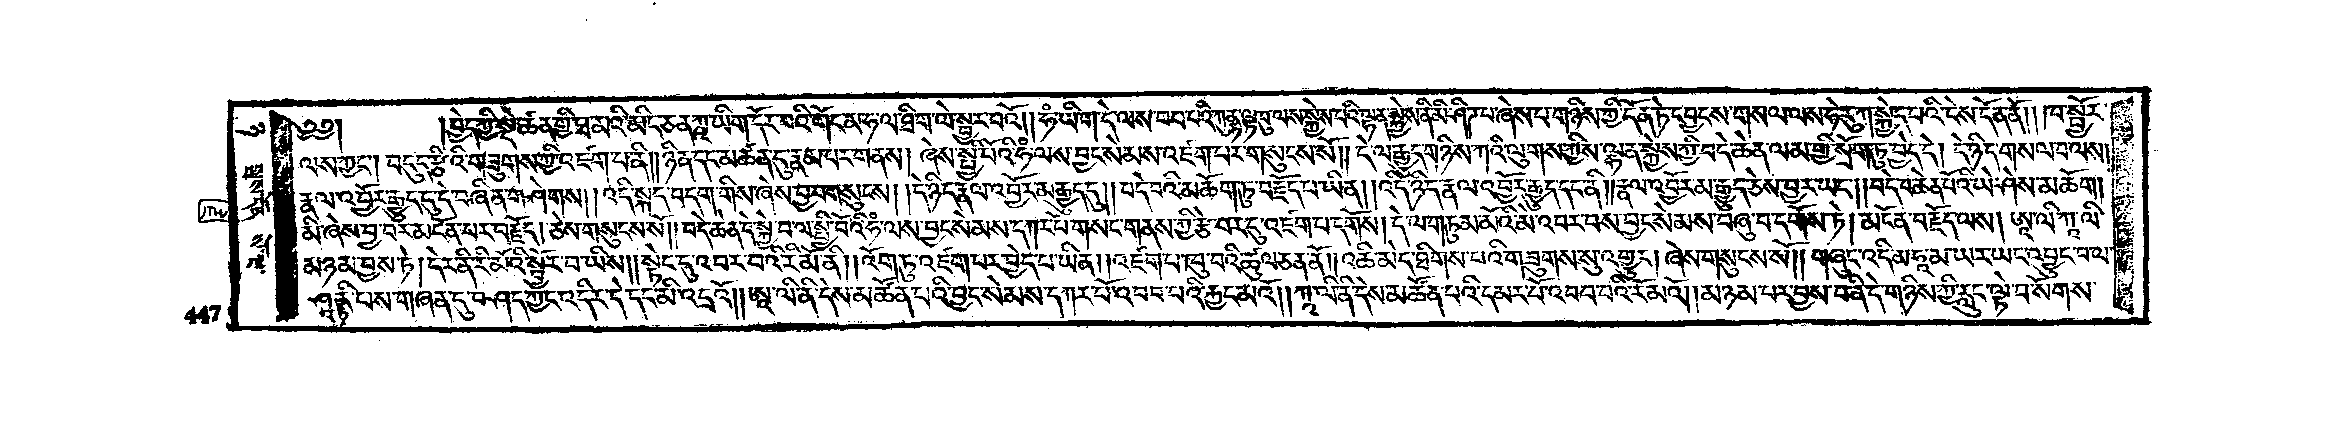༄༅། །བྱེད་ཀྱི་སྡེ་ཚན་གྱི་ཐ་མའི་མིང་ཅན་ནཀྵ་ཡིག་དོར་བའི་གོང་མ་ཧ་ལ་ཐིག་ལེ་སྦྱར་བའོ། །ཧཾ་ཡིག་དེ་ལས་བབ་པའི་ཀུནྟ་ལྟ་བུ་ལས་སྐྱེས་པའི་ལྷན་སྐྱེས་ནི་མི་ཤིགས་པ་ཞེས་པ་གཉིས་ཀྱི་དོན་ཏེ་དབྱངས་གསལ་ལས་ཧེ་རུ་ཀ་སྐྱེད་པའི་ངེས་དོན་ནོ། །ཁ་སྦྱོར་
ལས་ཀྱང་། བདུད་རྩིའི་གཟུགས་ཀྱི་འཛག་པ་ནི། །ཉིན་དང་མཚན་དུ་རྣམ་པར་གནས། ཞེས་སྤྱི་བོའི་ཧཾ་ལས་བྱང་སེམས་འཛག་པར་གསུངས་སོ། །དེ་ལ་རྒྱུད་གཉིས་ཀའི་ལུགས་ཀྱིས་ལྷན་སྐྱེས་ཀྱི་བདེ་ཆེན་ལམ་གྱི་སྲོག་ཏུ་བྱེད་དེ། དེ་ཉིད་གསལ་བ་ལས།
རྣལ་འབྱོར་རྒྱུད་དུ་དེ་བཞིན་གཤེགས། །འདི་སྐད་བདག་གིས་ཞེས་བྱར་གསུངས། །དེ་ཉིད་རྣལ་འབྱོར་མ་རྒྱུད་དུ། །བདེ་བའི་མཆོག་ཏུ་བརྗོད་པ་ཡིན། །འདི་ཉིད་རྣལ་འབྱོར་རྒྱུད་དང་ནི། །རྣལ་འབྱོར་མ་རྒྱུད་ཅེས་བྱར་ཡང་། །བདེ་བ་ཆེན་པོའི་ཡེ་ཤེས་མཆོག །
མི་ཞེས་བྱ་བར་མངོན་པར་བརྗོད། ཅེས་གསུངས་སོ། །བདེ་ཆེན་དེ་སྐྱེ་བ་ལ་སྤྱི་བོའི་ཧཾ་ལས་བྱང་སེམས་དཀར་པོ་གསང་གནས་ཀྱི་རྩེ་བར་དུ་འཛག་པ་དགོས། དེ་ལ་གཏུམ་མོའི་མེ་འབར་བས་བྱང་སེམས་བཞུ་བ་དགོས་ཏེ། མངོན་བརྗོད་ལས། ཨཱ་ལི་ཀཱ་ལི་
མཉམ་བྱས་ཏེ། དེར་ནི་རི་མོའི་སྦྱོར་བ་ཡིས། །སྟེང་དུ་འབར་བའི་རི་མོ་ནི། །འོག་ཏུ་འཛག་པར་བྱེད་པ་ཡིན། །འཛག་པ་ཁུ་བའི་ཚུལ་ཅན་ནོ། །འཆི་མེད་ཐིགས་པའི་གཟུགས་སུ་འགྱུར། ཞེས་གསུངས་སོ། །གཞུང་འདི་མ་ཧཱ་མ་ཡར་ཡང་འབྱུང་བ་ལ་
ཤཱནྟི་པས་གཞན་དུ་བཤད་ཀྱང་འདིར་དེ་དང་མི་འདྲའོ། །ཨཱ་ལི་ནི་དེས་མཚོན་པའི་བྱང་སེམས་དཀར་པོ་འབབ་པའི་རྐྱང་མའོ། །ཀཱ་ལི་ནི་དེས་མཚོན་པའི་དམར་པོ་འབབ་པའི་རོ་མའོ། །མཉམ་པར་བྱས་པ་ནི་དེ་གཉིས་ཀྱི་རླུང་ལྟེ་བ་སོགས་